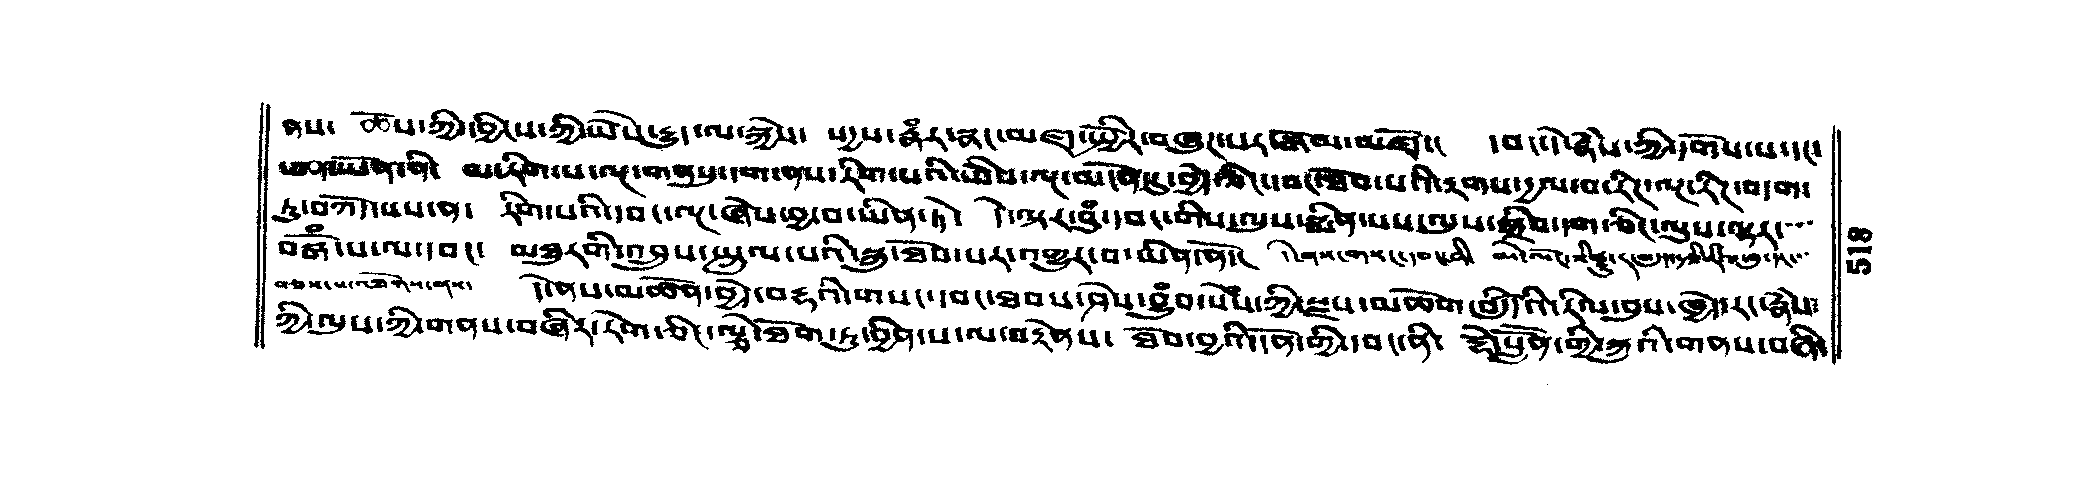ནས། ཆོས་ཀྱི་དབྱིངས་ཀྱི་ཡེ་ཤེས་རྒྱུད་ལ་སྐྱེས། སངས་རྒྱས་རྣམ་པར་སྣང་མཛད་སྤྱི་བོར་བཞུགས་པར་སྒོམ་མཛོད། དབང་དེ་རྣམས་ཀྱི་དགོས་པ་དང་
ཕན་ཡོན་ནི། མ་རིག་པ་ལྔ་གནས་སུ་དག་ནས་རིག་པའི་ཡེ་ཤེས་1$1000250ལྔ་གནས་སུ་དག་ནས་རིག་པའི་ཡེ་ཤེས་ལྔ་མངོན་དུ་བྱེད་ཅིང་དབང་ཐོབ་པའི་རྟགས་རྒྱལ་བ་རིགས་ལྔ་རིགས་བདག་
ཏུ་བཀོད་པས་ན། རིག་པའི་དབང་ལྔ་ཞེས་བྱ་བ་ཡིན་ཏེ། དེ་ལྟར་བུམ་དབང་གིས་ལུས་སྨིན་པས་ལུས་སྒྲིབ་དག་ཅིང་ལུས་ལྷར་
བསྒོམ་པ་ལ་དབང་། མཐར་ཐུག་གི་འབྲས་བུ་སྤྲུལ་པའི་སྐུ་ཐོབ་པར་འགྱུར་བ་ཡིན་ནོ། དེ་ནས་གསང་དབང་ནི། མེ་ལོང་གི་སིནྡུ་ར་བདུད་རྩི་རིལ་བུ་དང་
བཅས་པ་ཐོགས་ནས། དེ་ནས་མཚོན་བྱེད་བརྡའི་གསང་དབང་ཐབས་ཤེས་བྱང་ཆུབ་སེམས་ཀྱི་རྫས་མཆོག་བདུད་རྩིའི་རིལ་བུས་ཁྱོད་རང་རྣམས་
ཀྱི་ལུས་ཀྱི་གནས་བཞིར་རེག་ཅིང་ལྕེ་ཐོག་ཏུ་བྱིན་པ་ལ་བརྟེན་ནས། ཐོབ་བྱའི་དོན་གྱི་དབང་ནི་རྡོ་རྗེ་སློབ་དཔོན་གྱི་སྐུའི་གནས་བཞི་